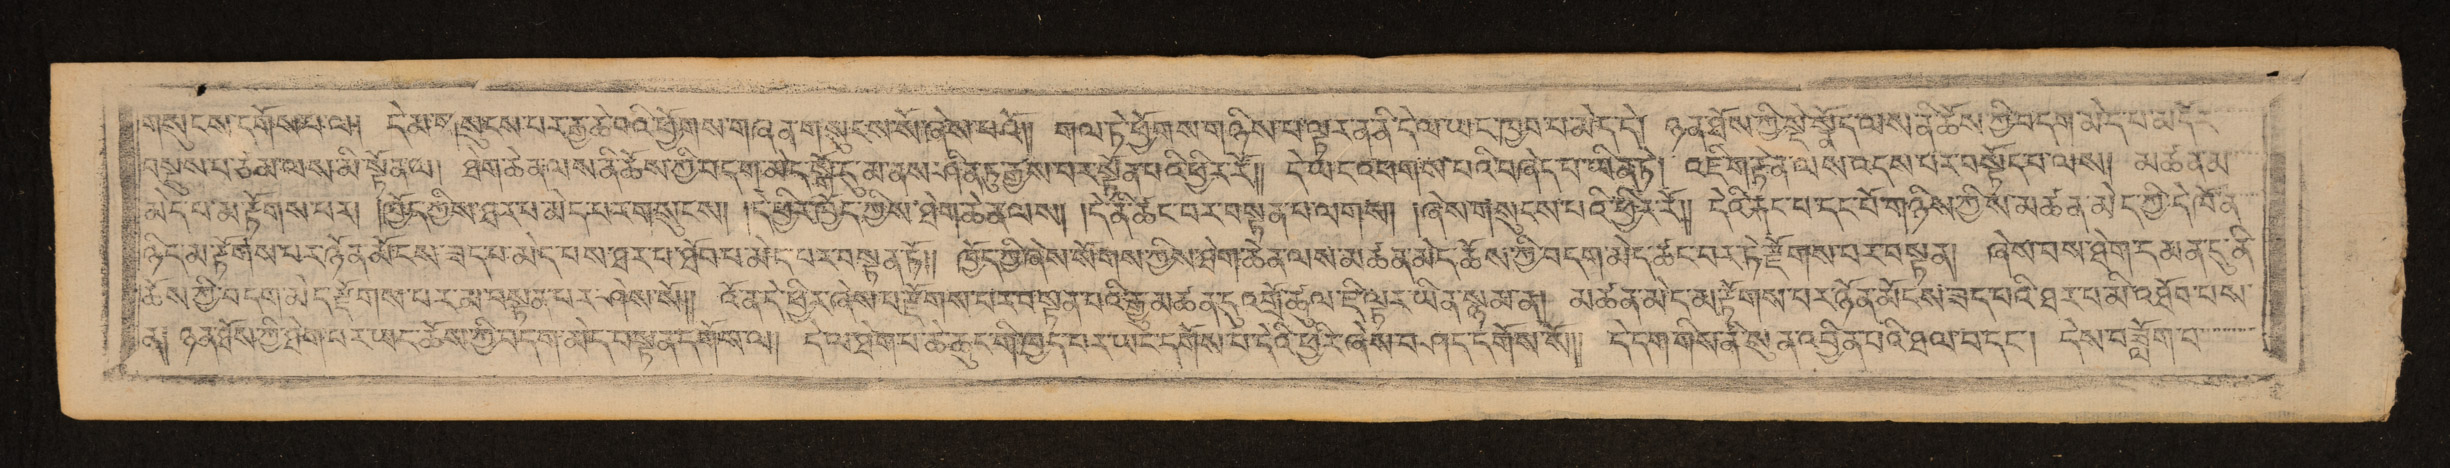གསུང་དགོས་པ་ལ། དེ་མ་གསུངས་པར་རྒྱ་ཆེ་བའི་ཕྱོགས་གཞན་གསུངས་སོ་ཞེས་པའོ།། གལ་ཏེ་ཕྱོགས་གཉིས་པ་ལྟར་ན་ནི་དེ་ལ་ཡང་ཁྱབ་པ་མེད་དེ། ཉན་ཐོས་ཀྱི་སྡེ་སྣོད་ལས་ནི་ཆོས་ཀྱི་བདག་མེད་པ་མདོར་
བསྡུས་པ་ཙམ་ལས་མི་སྟོན་ལ། ཐེག་ཆེན་ལས་ནི་ཆོས་ཀྱི་བདག་མེད་སྒོ་དུ་མ་ནས་ཤིན་ཏུ་རྒྱས་པར་སྟོན་པའི་ཕྱིར་རོ།། དེ་ཡང་འཕགས་པའི་བཞེད་པ་ཡིན་ཏེ། འཇིག་རྟེན་ལས་འདས་པར་བསྟོད་པ་ལས། མཚན་མ་
མེད་པ་མ་རྟོགས་པར། །ཁྱོད་ཀྱིས་ཐར་པ་མེད་པར་གསུངས། །དེ་ཕྱིར་ཁྱོད་ཀྱིས་ཐེག་ཆེན་ལས། །དེ་ནི་ཚང་བར་བསྟན་པ་ལགས། །ཞེས་གསུངས་པའི་ཕྱིར་རོ།། དེའི་རྐང་པ་དང་པོ་གཉིས་ཀྱིས་མཚན་མེད་ཀྱི་དེ་ཁོ་ན་
ཉིད་མ་རྟོགས་པར་ཉོན་མོངས་ཟད་པ་མེད་པས་ཐར་པ་ཐོབ་པ་མེད་པར་བསྟན་ཏོ།། ཁྱོད་ཀྱི་ཞེས་སོགས་ཀྱིས་ཐེག་ཆེན་ལས་མཚན་མེད་ཆོས་ཀྱི་བདག་མེད་ཚང་བར་ཏེ་རྫོགས་པར་བསྟན། ཞེས་པས་ཐེག་དམན་དུ་ནི་
ཆོས་ཀྱི་བདག་མེད་རྫོགས་པར་མ་བསྟན་པར་ཤེས་སོ།། འོ་ན་དེ་ཕྱིར་ཞེས་པ་རྫོགས་པར་བསྟན་པའི་རྒྱུ་མཚན་དུ་འགྲོ་ཚུལ་ཇི་ལྟར་ཡིན་སྙམ་ན། མཚན་མེད་མ་རྟོགས་པར་ཉོན་མོངས་ཟད་པའི་ཐར་པ་མི་འཐོབ་པས་
ན། ཉན་ཐོས་ཀྱི་ཐེག་པར་ཡང་ཆོས་ཀྱི་བདག་མེད་བསྟན་དགོས་ལ། དེ་ལ་ཐེག་པ་ཆེ་ཆུང་གི་ཁྱད་པར་ཡང་དགོས་པ་དེའི་ཕྱིར་ཞེས་བཤད་དགོས་སོ།། དེ་དག་གིས་ནི་སུན་འབྱིན་པའི་ཐལ་བ་དང་། དེས་བཟློག་པ་